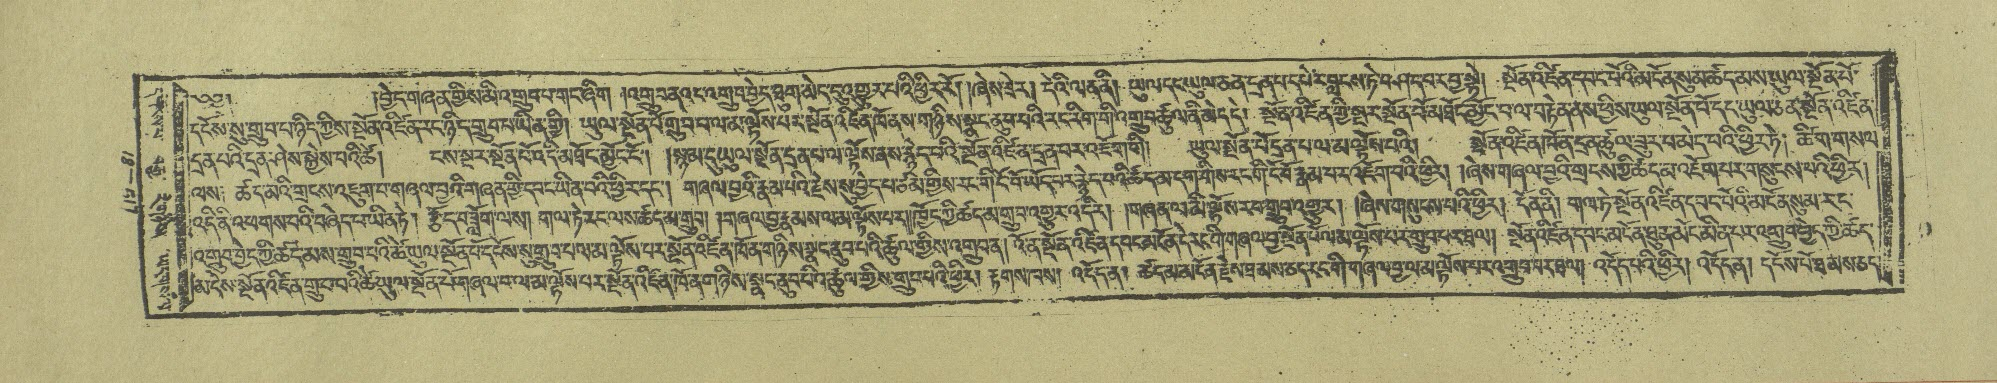༄༅། །བྱེད་གཞན་གྱིས་མི་འགྲུབ་པ་གང་ཞིག །འགྲུབ་ནའང་འགྲུབ་བྱེད་ཐུག་མེད་དུ་འགྱུར་བའི་ཕྱིར་རོ། །ཞེས་ཟེར། དེའི་ལན་ནི། ཡུལ་དང་ཡུལ་ཅན་དྲན་པ་དཔེར་བླངས་ཏེ་བཤད་པར་བྱ་སྟེ། སྔོན་འཛིན་དབང་པོའི་མངོན་སུམ་ཚད་མས་ཡུལ་སྔོན་པོ་
དངོས་སུ་གྲུབ་པ་ཉིད་ཀྱིས་སྔོན་འཛིན་རང་ཉིད་གྲུབ་པ་ཡིན་གྱི། ཡུལ་སྔོན་པོ་གྲུབ་པ་ལ་མ་ལྟོས་པར་སྔོན་འཛིན་ཁོ་ནས་གཉིས་སྣང་ནུབ་པའི་རང་རིག་གི་འགྲུབ་ཚུལ་ནི་མེད་དེ། སྔོན་འཛིན་གྱི་སྔར་སྔོན་པོ་མཐོང་མྱོང་བ་ལ་བརྟེན་ནས་ཕྱིས་ཡུལ་སྔོན་པོ་དང་ཡུལ་ཅན་སྔོན་འཛིན་
དྲན་པའི་དྲན་ཤེས་སྐྱེས་པའི་ཚེ། ངས་སྔར་སྔོན་པོ་འདི་མཐོང་མྱོང་ངོ། །སྙམ་དུ་ཡུལ་སྔོན་དྲན་པ་ལ་ལྟོས་ནས་རྙེད་པའི་སྔོན་འཛིན་དྲན་པར་འཇོག་གི །ཡུལ་སྔོན་པོ་དྲན་པ་ལ་མ་ལྟོས་པའི། སྔོན་འཛིན་ཁོ་ན་དྲན་ཚུལ་ཟུར་བ་མེད་པའི་ཕྱིར་ཏེ། ཚིག་གསལ་
ལས། ཚད་མའི་གྲངས་འཇུག་པ་གཞལ་བྱའི་གཞན་གྱི་དབང་ཡིན་པའི་ཕྱིར་དང་། གཞལ་བྱའི་རྣམ་པའི་རྗེས་སུ་བྱེད་པ་ཙམ་གྱིས་རང་གི་ངོ་བོ་ཡོད་པར་རྙེད་པའི་ཚད་མ་དག་གིས་རང་གི་ངོ་བོ་རྣམ་པར་འཇོག་པའི་ཕྱིར། །ཞེས་གཞལ་བྱའི་གྲངས་ཀྱི་ཚད་མ་འཇོག་པར་གསུངས་པའི་ཕྱིར།
འདི་ནི་འཕགས་པའི་བཞེད་པ་ཡིན་ཏེ། རྩོད་བཟློག་ལས། གལ་ཏེ་རང་ལས་ཚད་མ་གྲུབ། །གཞལ་བྱ་རྣམས་ལ་མ་ལྟོས་པར། །ཁྱོད་ཀྱི་ཚད་མ་གྲུབ་འགྱུར་འདིར། །གཞན་ལ་མི་ལྟོས་རབ་གྲུབ་འགྱུར། །ཞེས་གསུངས་པའི་ཕྱིར། དོན་ནི། གལ་ཏེ་སྔོན་འཛིན་དབང་པོའི་མངོན་སུམ་ཡང་
འགྲུབ་བྱེད་ཀྱི་ཚད་མས་གྲུབ་པའི་ཚེ་ཡུལ་སྔོན་པོ་དངོས་སུ་གྲུབ་པ་ལ་མ་ལྟོས་པར་སྔོན་འཛིན་ཁོ་ན་གཉིས་སྣང་ནུབ་པའི་ཚུལ་གྱིས་འགྲུབ་ན། འོ་ན་སྔོན་འཛིན་དབང་མངོན་དེ་རང་གི་གཞལ་བྱ་སྔོན་པོ་ལ་མ་ལྟོས་པར་གྲུབ་པར་ཐལ། སྔོན་འཛིན་དབང་མངོན་ཐུན་མོང་མིན་པར་འགྲུབ་བྱེད་ཀྱི་ཚད་
མ་དེས་སྔོན་འཛིན་གྲུབ་པའི་ཚེ་ཡུལ་སྔོན་པོ་གཞལ་བ་ལ་མ་ལྟོས་པར་སྔོན་འཛིན་ཁོ་ན་གཉིས་སྣང་ནུབ་པའི་ཚུལ་གྱིས་གྲུབ་པའི་ཕྱིར། རྟགས་ཁས། འདོད་ན། ཚད་མ་མངོན་རྗེས་ཐམས་ཅད་རང་གི་གཞལ་བྱ་ལ་མ་ལྟོས་པར་འགྲུབ་པར་ཐལ། འདོད་པའི་ཕྱིར། འདོད་ན། དངོས་པོ་ཐམས་ཅད་